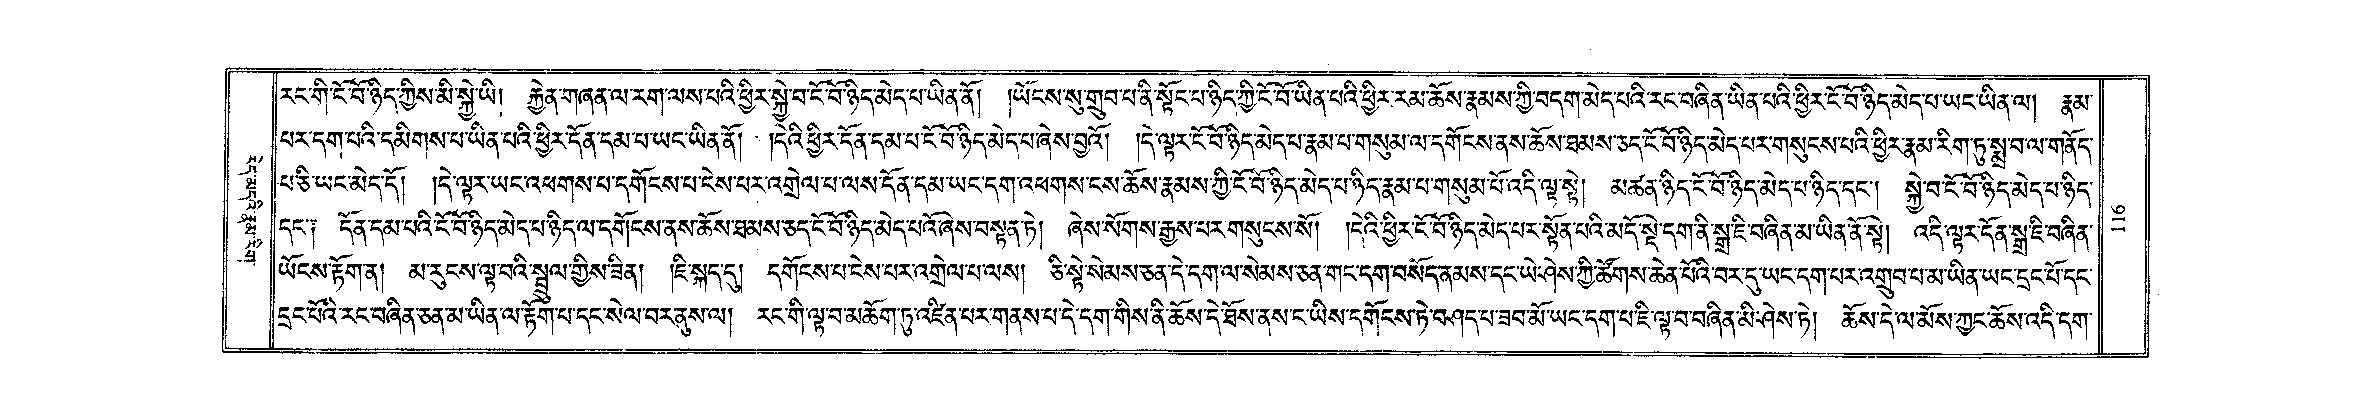རང་གི་ངོ་བོ་ཉིད་ཀྱིས་མི་སྐྱེ་ཡི། རྐྱེན་གཞན་ལ་རག་ལས་པའི་ཕྱིར་སྐྱེ་བ་ངོ་བོ་ཉིད་མེད་པ་ཡིན་ནོ། །ཡོངས་སུ་གྲུབ་པ་ནི་སྟོང་པ་ཉིད་ཀྱི་ངོ་བོ་ཡིན་པའི་ཕྱིར་རམ་ཆོས་རྣམས་ཀྱི་བདག་མེད་པའི་རང་བཞིན་ཡིན་པའི་ཕྱིར་ངོ་བོ་ཉིད་མེད་པ་ཡང་ཡིན་ལ། རྣམ་
པར་དག་པའི་དམིགས་པ་ཡིན་པའི་ཕྱིར་དོན་དམ་པ་ཡང་ཡིན་ནོ། །དེའི་ཕྱིར་དོན་དམ་པ་ངོ་བོ་ཉིད་མེད་པ་ཞེས་བྱའོ། །དེ་ལྟར་ངོ་བོ་ཉིད་མེད་པ་རྣམ་པ་གསུམ་ལ་དགོངས་ནས་ཆོས་ཐམས་ཅད་ངོ་བོ་ཉིད་མེད་པར་གསུངས་པའི་ཕྱིར་རྣམ་རིག་ཏུ་སྨྲ་བ་ལ་གནོད་
པ་ཅི་ཡང་མེད་དོ། །དེ་ལྟར་ཡང་འཕགས་པ་དགོངས་པ་ངེས་པར་འགྲེལ་པ་ལས་དོན་དམ་ཡང་དག་འཕགས་ངས་ཆོས་རྣམས་ཀྱི་ངོ་བོ་ཉིད་མེད་པ་ཉིད་རྣམ་པ་གསུམ་པོ་འདི་ལྟ་སྟེ། མཚན་ཉིད་ངོ་བོ་ཉིད་མེད་པ་ཉིད་དང་། སྐྱེ་བ་ངོ་བོ་ཉིད་མེད་པ་ཉིད་
དང༑ དོན་དམ་པའི་ངོ་བོ་ཉིད་མེད་པ་ཉིད་ལ་དགོངས་ནས་ཆོས་ཐམས་ཅད་ངོ་བོ་ཉིད་མེད་པའོ་ཞེས་བསྟན་ཏེ། ཞེས་སོགས་རྒྱས་པར་གསུངས་སོ། །དེའི་ཕྱིར་ངོ་བོ་ཉིད་མེད་པར་སྟོན་པའི་མདོ་སྡེ་དག་ནི་སྒྲ་ཇི་བཞིན་མ་ཡིན་ནོ་སྟེ། འདི་ལྟར་དོན་སྒྲ་ཇི་བཞིན་
ཡོངས་རྟོག་ན། མ་རུངས་ལྟ་བའི་སྦྲུལ་གྱིས་ཟིན། །ཇི་སྐད་དུ། དགོངས་པ་ངེས་པར་འགྲེལ་པ་ལས། ཅི་སྟེ་སེམས་ཅན་དེ་དག་ལ་སེམས་ཅན་གང་དག་བསོད་ནམས་དང་ཡེ་ཤེས་ཀྱི་ཚོགས་ཆེན་པོའི་བར་དུ་ཡང་དག་པར་འགྲུབ་པ་མ་ཡིན་ཡང་དྲང་པོ་དང་
དྲང་པོའི་རང་བཞིན་ཅན་མ་ཡིན་ལ་རྟོག་པ་དང་སེལ་བར་ནུས་ལ། རང་གི་ལྟ་བ་མཆོག་ཏུ་འཛིན་པར་གནས་པ་དེ་དག་གིས་ནི་ཆོས་དེ་ཐོས་ནས་ང་ཡིས་དགོངས་ཏེ་བཤད་པ་ཟབ་མོ་ཡང་དག་པ་ཇི་ལྟ་བ་བཞིན་མི་ཤེས་ཏེ། ཆོས་དེ་ལ་མོས་ཀྱང་ཆོས་འདི་དག་